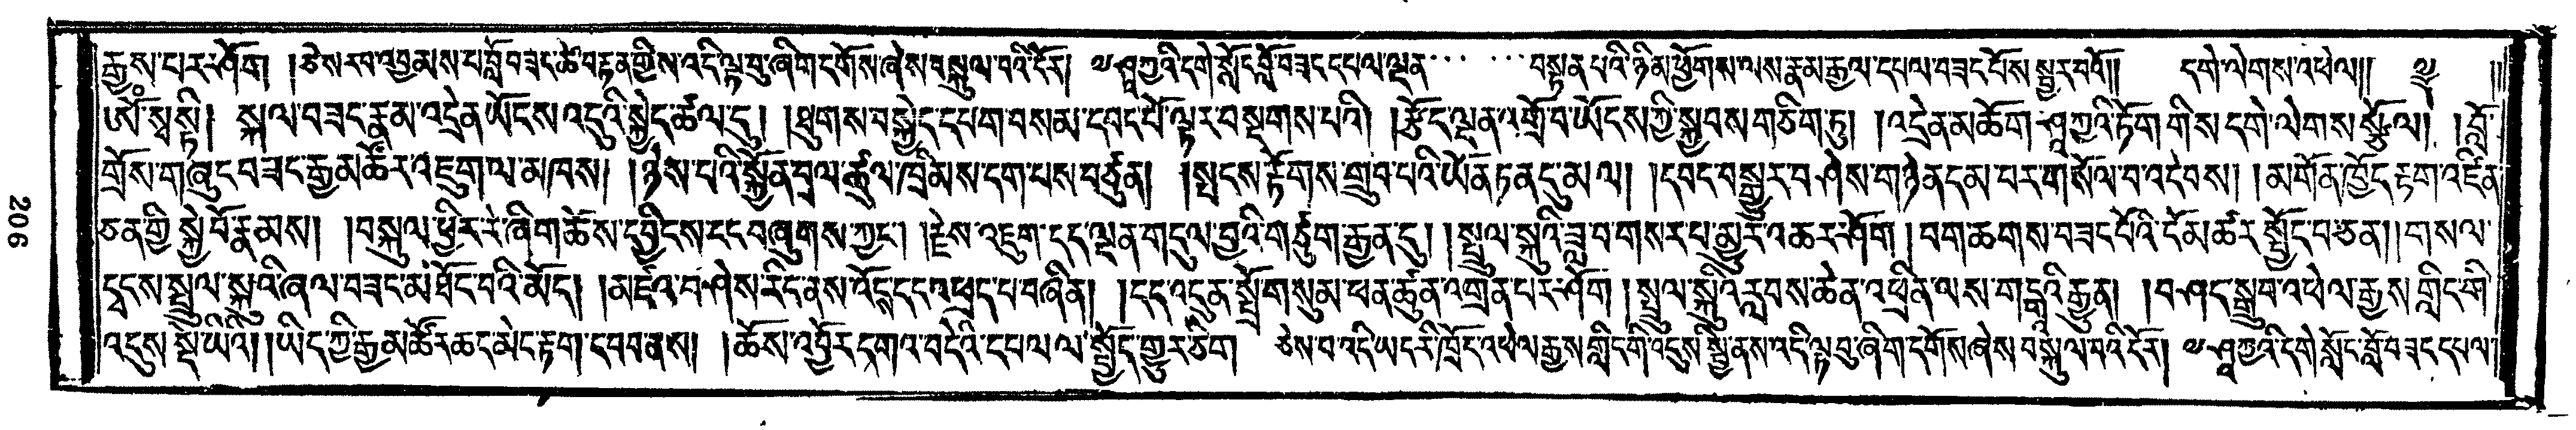རྒྱས་པར་ཤོག །ཅེས་རབ་འབྱམས་པ་བློ་བཟང་ཚེ་བརྟན་གྱིས་འདི་ལྟ་བུ་ཞིག་དགོས་ཞེས་བསྐུལ་བའི་ངོར། ༧་ཤཱཀྱའི་དགེ་སློང་བློ་བཟང་དཔལ་ལྡན་བསྟན་པའི་ཉི་མ་ཕྱོགས་ལས་རྣམ་རྒྱལ་དཔལ་བཟང་པོས་སྦྱར་བའོ།། དགེ་ལེགས་འཕེལ།། ༈ །།
ཨོཾ་སྭསྟི། སྐལ་བཟང་རྣམ་འདྲེན་ཡོངས་འདུའི་སྐྱེད་ཚལ་དུ། །ཐུགས་བསྐྱེད་དཔག་བསམ་དབང་པོ་ལྟར་བསྔགས་པའི། །རྩོད་ལྡན་འགྲོ་བ་ཡོངས་ཀྱི་སྐྱབས་གཅིག་ཏུ། །འདྲེན་མཆོག་ཤཱཀྱའི་ཏོག་གིས་དགེ་ལེགས་སྩོལ། །བློ་
གྲོས་གཞུང་བཟང་རྒྱ་མཚོར་འཇུག་ལ་མཁས། །ཉེས་པའི་སྐྱོན་བྲལ་ཚུལ་ཁྲིམས་དག་པས་བཙུན། །སྤངས་རྟོགས་གྲུབ་པའི་ཡོན་ཏན་དུ་མ་ལ། །དབང་བསྒྱུར་བཤེས་གཉེན་དམ་པར་གསོལ་བ་འདེབས། །མགོན་ཁྱོད་རྟག་འཛིན་
ཅན་གྱི་སྐྱེ་བོ་རྣམས། །བསྐུལ་ཕྱིར་རེ་ཞིག་ཆོས་དབྱིངས་དང་བཞུགས་ཀྱང་། །རྗེས་འཇུག་དད་ལྡན་གདུལ་བྱའི་གཙུག་རྒྱན་དུ། །སྤྲུལ་སྐུའི་ཟླ་བ་གསར་པ་མྱུར་འཆར་ཤོག །བག་ཆགས་བཟང་པོའི་ངོ་མཚར་སྤྱོད་བ་ཅན། །གསལ་
དྭངས་སྤྲུལ་སྐུའི་ཞལ་བཟང་མཐོང་བའི་མོད། །མཛའ་བཤེས་རིང་ནས་འོངས་དང་འཕྲད་པ་བཞིན། །དད་འདུན་སྤྲོ་གསུམ་ཕན་ཚུན་འགྲན་པར་ཤོག །སྤྲུལ་སྐུའི་རླབས་ཆེན་འཕྲིན་ལས་གངྒཱའི་རྒྱུན། །བཤད་སྒྲུབ་འཕེལ་རྒྱས་གླིང་གི་
འདུས་སྡེ་ཡིའི། །ཡིད་ཀྱི་རྒྱ་མཚོར་ཆད་མེད་རྟག་དབབ་ནས། །ཆོས་འབྱོར་དགའ་བདེའི་དཔལ་ལ་སྤྱོད་གྱུར་ཅིག་ཅེས་བ་འདི་ཡང་རི་ཁྲོད་འཕེལ་རྒྱས་གླིང་གི་འདུས་སྦྱི་ནས་འདི་ལྟ་བུ་ཞིག་དགོས་ཞེས་བསྐུལ་བའི་དོར། ༧་ཤཱཀྱའི་དགེ་སློང་བློ་བཟང་དཔལ་